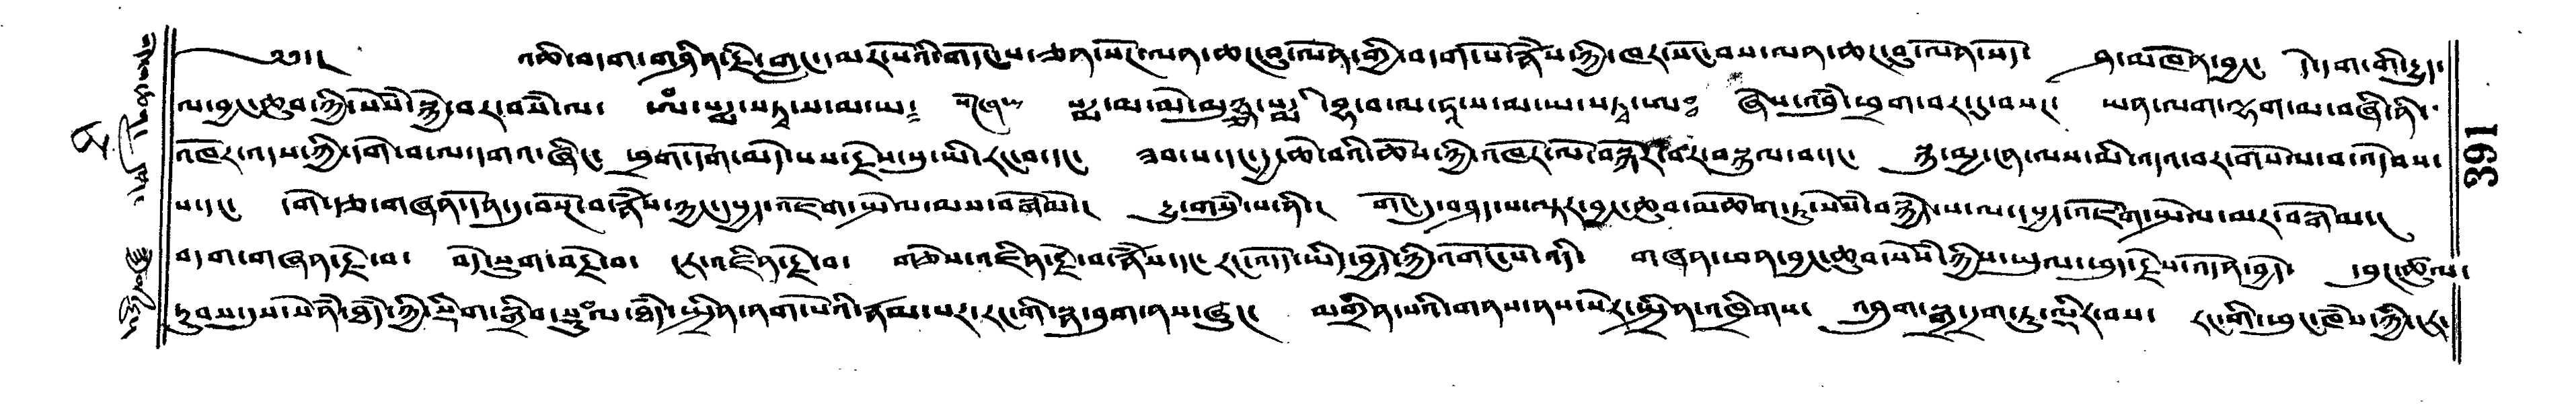འཆི་བདག་གཤིན་རྗེ་གླང་དམར་པོའི་གདོང་པ་ཅན་སོགས་ལན་ཆགས་བུ་ལོན་གྱི་བདག་པོ་རྣམས་ཀྱི་ཁར་སོང་བས་ལན་ཆགས་བུ་ལོན་སོད། ཤ་མཁོན་བྱང་། དེ་དག་གི་རྒྱུད་
ལ་བྱང་ཆུབ་ཀྱི་སེམས་སྐྱེ་བར་བསམ་ལ། ཨཾ་པདྨ་ས་ཏྭ་ས་མ་ཡ༴ སོགས་ནས། པདྨ་མ་མེ་མུཉྩ་པདྨའི་བྷ་བ་མ་ཧཱ་ས་མ་ཡ་ས་ཏྭ་ཨཿ ཞེས་འབུམ་ཕྲག་བར་དུ་བསག ཡན་ལག་ལྷག་མ་བཞི་ནི་
འཁོར་འདས་ཀྱི་དགེ་བ་ལ་དགའ་ཞིང་ཕྲག་དོག་མེད་པས་རྗེས་སུ་ཡི་རང་བ་དང་། ཟབ་པ་དང་རྒྱ་ཆེ་བའི་ཆོས་ཀྱི་འཁོར་ལོ་བསྐོར་བར་བསྐུལ་བ་དང་། སྐུ་མྱ་ངན་ལས་མི་འདའ་བར་གསོལ་བ་འདེབས་
པ་དང་། དགེ་རྩ་གཞན་དོན་དུ་བསྔོ་བ་རྣམས་ཀྱང་དཔྱད་འཇོག་སྤེལ་མས་བསྒོམ། རྒྱུ་གསུམ་པ་ནི། གོང་དུ་བཤད་པ་ལྟར་བྱང་ཆུབ་མཆོག་ཏུ་སེམས་བསྐྱེད་པ་ལ་དཔྱད་འཇོག་སྤེལ་མར་བསྒོམ། 
བདག་གཞན་རྗེ་བ། བདེ་སྡུག་རྗེ་བ། ངར་འཛིན་རྗེ་བ། གཅེས་འཛིན་རྗེ་བ་རྣམས་དང་། རང་འདོད་ཡིད་བྱེད་ཀྱི་འགོང་པོ་གཞན་ཕན་བྱང་ཆུབ་སེམས་ཀྱིས་ཡུལ་ཕུད་རྗེས་འདོན་བྱ། དབུགས་ཚུར་
རྔུབ་དུས་སེམས་ཅན་ཀྱི་སྡིག་སྒྲིབ་སྡུག་བསྔལ་ཐམས་ཅད་སྤྲིན་ནག་པོའི་རྣམ་པར་རང་གི་སྣ་བུག་ནས་ཞུགས། མགྲིན་པའི་གནས་ནས་སེར་སྤྲིན་འཁྲིགས། འབྲུག་སྒྲ་དྲག་ཏུ་ལྡིར་བས་རང་གི་ཕུང་ཁམས་ཀྱི་ངར་